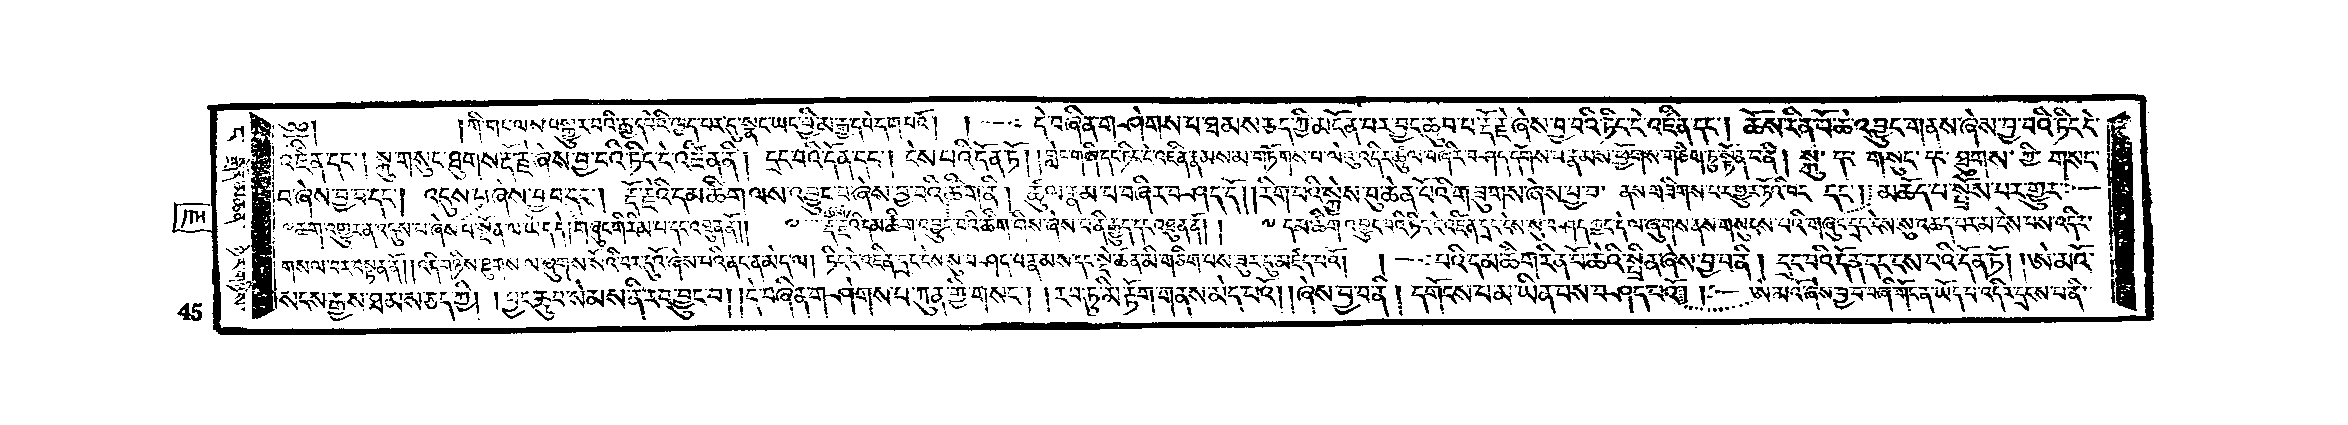༄༅། །གི་གང་ལས་བསྒྱུར་པའི་རྒྱ་དཔེའི་ཁྱད་པར་དུ་སྣང་ཡང་ཕྱི་མ་རྒྱ་དཔེ་དག་པའོ།། .Hདེ་བཞིན་གཤེགས་པ་ཐམས་ཅད་ཀྱི་མངོན་པར་བྱང་ཆུབ་པ་རྡོ་རྗེ་ཞེས་བྱ་བའི་ཏིང་ངེ་འཛིན་དང་། ཆོས་རིན་པོ་ཆེ་འབྱུང་གནས་ཞེས་བྱ་བའི་ཏིང་ངེ་
འཛིན་དང་། སྐུ་གསུང་ཐུགས་རྡོ་རྗེ་ཞེས་བྱ་བའི་ཏིང་ངེ་འཛིན་ནི། དྲང་བའི་དོན་དང་། ངེས་པའི་དོན་ཏོ། ། གླེང་གཞི་དང་ཏིང་ངེ་འཛིན་རྣམས་མ་གཏོགས་པ་ལེའུ་འདིར་ཚུལ་བཞིར་བཤད་དགོས་པ་རྣམས་ཕྱོགས་གཅིག་ཏུ་སྟོན་པ་ནི།  སྐུ་དང་གསུང་དང་ཐུགས་ཀྱི་གསང་
བ་ཞེས་བྱ་བ་དང་། འདུས་པ་ཞེས་བྱ་བ་དང་། རྡོ་རྗེའི་དམ་ཚིག་ལས་འབྱུང་བ་ཞེས་བྱ་བའི་ཚིག་ནི། ཚུལ་རྣམ་པ་བཞིར་བཤད་དོ། །རིག་པའི་སྐྱེས་བུ་ཆེན་པོའི་གཟུགས་ཞེས་བྱ་བ་ནས་གཟིགས་པར་གྱུར་ཏོའི་བར་དང་། མཆོད་པ་སྤྲོས་པར་གྱུརཿ
༧ཆག་འགྱུར་ན་འདུས་པ་ཞེས་པ་སྔོན་ལ་ཡོད་དེ། གཞུང་གི་རིམ་པ་དང་འཐུན་ནོ།། ༧རྡོ་རྗེའི་དམ་ཚིག་འབྱུང་བའི་ཚིག་གིས་ཞེས་པ་ནི་རྒྱུད་དང་འཐུན་ནོ།། ༧དམ་ཚིག་འབྱུང་བའི་ཏིང་ངེ་འཛིན་དྲང་ངེས་སུ་བཤད་ཀྱང་དེ་ལ་ཞུགས་ནས་གསུངས་པའི་གཞུང་དྲང་ངེས་སུ་འཆད་པར་མ་ངེས་པས་འདིར་
གསལ་བར་བསྟན་ནོ། །འདི་གཉིས་ཐུགས་ལ་ཞུགས་སོའི་བར་དུའོ་ཞེས་པའི་ནང་ན་མེད་ལ། ཏིང་ངེ་འཛིན་དྲང་ངེ་སུ་བཤད་པ་རྣམས་དང་སྡེ་ཚན་མི་གཅིག་པས་ཟུར་དུ་མཛད་པའོ།། .Hཔའི་དམ་ཚིག་རིན་པོ་ཆེའི་སྤྲིན་ཞེས་བྱ་བ་ནི། དྲང་བའི་དོན་དང་ངེས་པའི་དོན་ཏོ། །ཨེ་མའོ་
སངས་རྒྱས་ཐམས་ཅད་ཀྱི། །བྱང་ཆུབ་སེམས་ནི་རབ་བྱུང་བ། །དེ་བཞིན་གཤེགས་པ་ཀུན་གྱི་གསང་། །རབ་ཏུ་མི་རྟོག་གནས་མེད་པའོ། །ཞེས་བྱ་བ་ནི། དགོངས་པ་མ་ཡིན་པས་བཤད་པའོ།།H.་ཨེ་མའོ་ཞེས་བྱ་བ་བཞི་གོང་ན་ཡོད་པ་འདིར་དྲངས་པ་ནི་